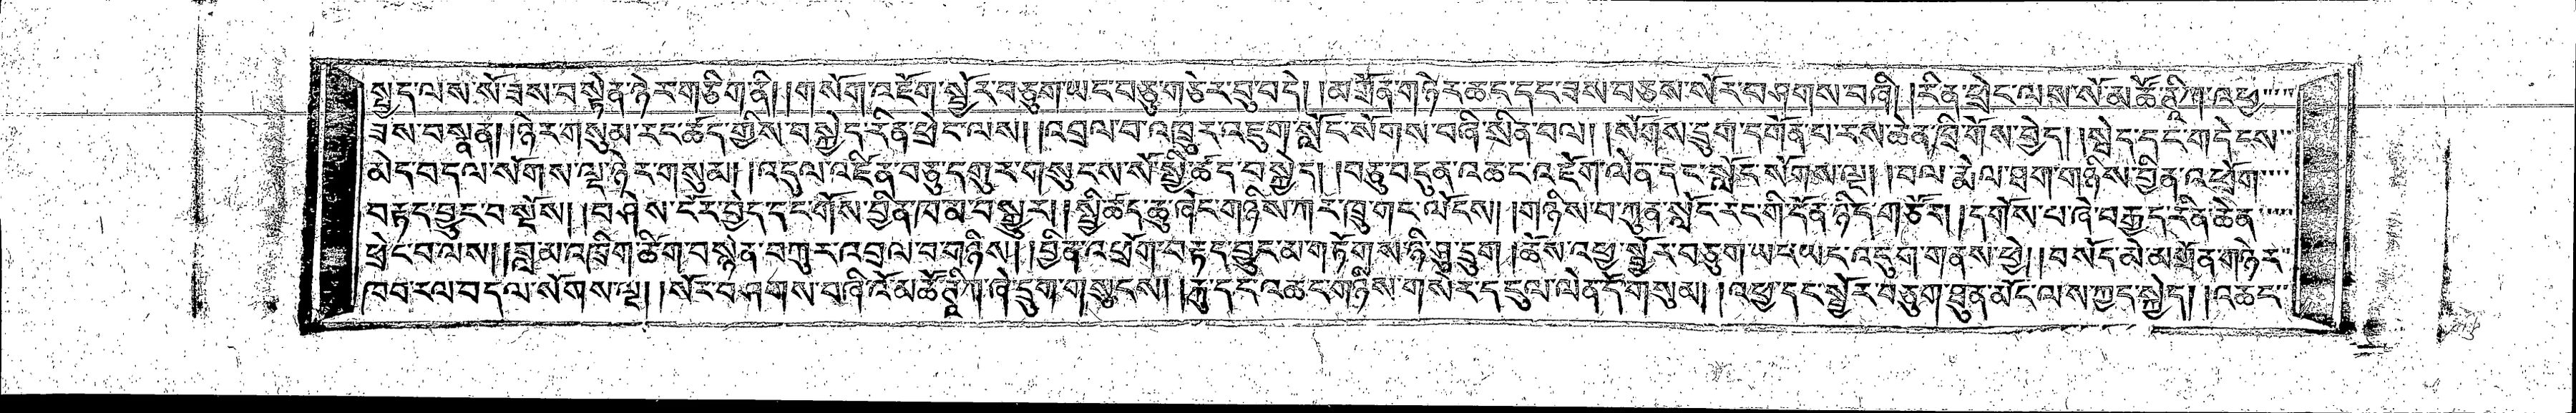སྤྱད་ལས་སོ་ཟས་བསྟེན་ཉེར་གཅིག་ནི། །གསོག་འཇོག་སྦྱོར་བཅུག་ཡང་བཅུ་གཅེར་བུ་བདེ། །མགྲོན་གཉེར་ཆང་དང་ཟས་བཅས་སོར་བཤགས་བཞི། །རིན་ཕྲེང་ལས་སོ་མཚོ་ཊཱིཀ་འཕྱ་
ཟས་བསྣན། །ཉེར་གསུམ་རང་ཚད་གྱིས་བསྐྱེད་རིན་ཕྲེང་ལས། །འབྲལ་བ་འཁྲུར་འཇུག་སློང་སོགས་བཞི་སྲིན་བལ། །སོགས་དྲུག་དགོན་པ་རས་ཆེན་ཁྲི་གོས་བྱེད། །སྤེད་དང་གདེངས་
མེད་བདལ་སོགས་ལྔ་ཉེར་གསུམ། །འདུལ་འཛིན་བཅུ་དགུར་གསུངས་སོ་སྤྱི་ཚད་བསྐྱེད། །བཅུ་བདུན་འཆང་འཇོག་ལེན་དང་སློང་སོགས་ལྔ། །བལ་རྨེལ་ཐག་གཉིས་བྱིན་འཕྲོག་
བརྟད་བྱུང་བསྔོས། །བཤེས་ངོར་བྱེད་དང་གོས་བྱིན་ཁ་མ་བསྒྱུར། །སྤྱི་ཚད་ཆུ་ཞེང་གཉིས་ཀར་ཁྲུ་གང་ལོངས། །གཉིས་པ་ཀུན་སློང་རང་གི་དོན་ཉིད་གཙོར། །དགོས་པ་ཞེ་བརྒྱད་རིན་ཆེན་
ཕྲེང་བ་ལས། །བླ་མ་འཁྲིག་ཚིག་བསྙེན་བཀུར་འབྲལ་བ་གཉིས། །བྱིན་འཕྲོག་བརྟད་བྱུང་མ་གཏོགས་ཉི་ཤུ་དྲུག །ཆོས་འཕྱ་སྦྱོར་བཅུག་ཡང་ཡང་འདུག་གནས་ཕྱེ། །བསོད་མེ་མགྲོན་གཉེར་
ཁབ་རལ་བདལ་སོགས་ལྔ། །སོར་བཤགས་བཞི་འོ་མཚོ་ཊཱིཀ་ཞེ་དྲུག་གསུངས། །རྐུ་དང་འཆང་གཉིས་གསེར་དངུལ་ལེན་དོ་གསུམ། །འཕྱ་དང་སྦྱོར་བཅུག་ཐུན་མོང་ལས་ཀྱང་སྐྱེད། །འཆང་